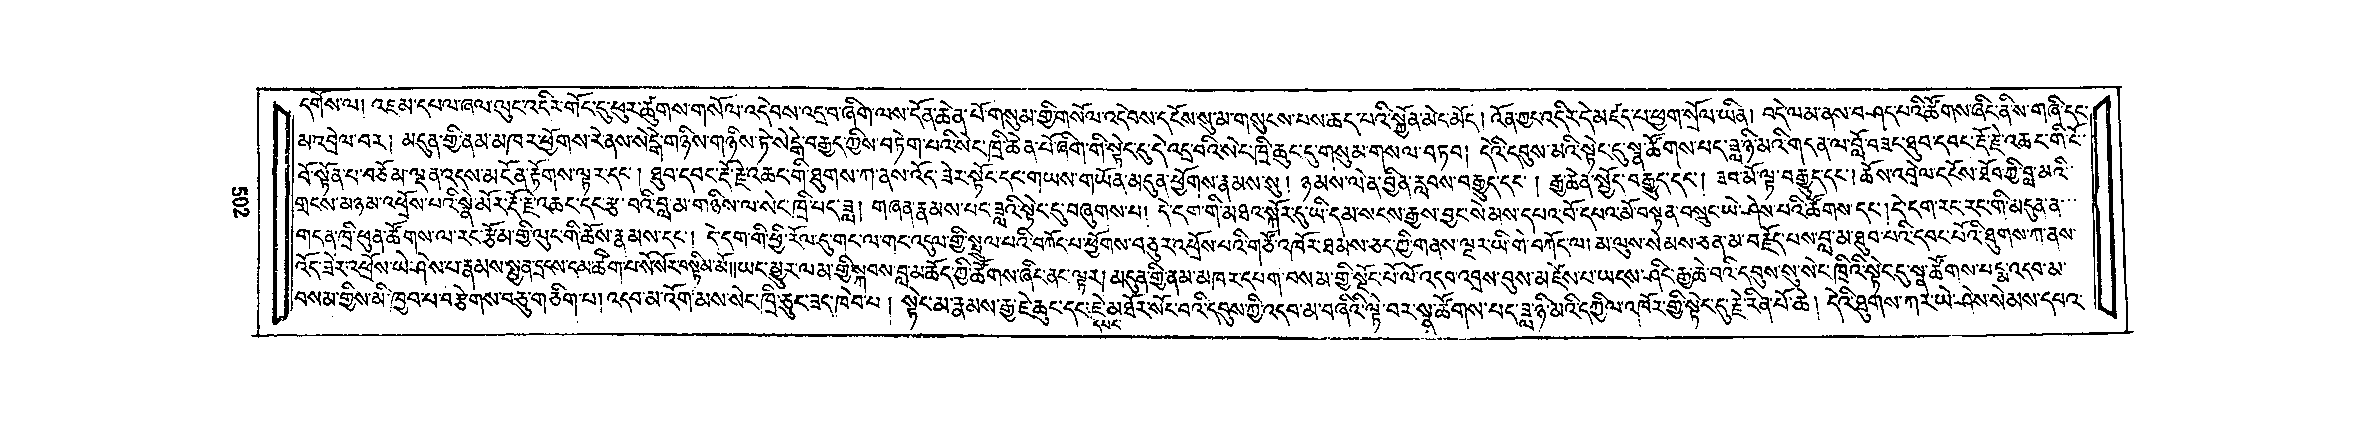དགོས་ལ། འཇམ་དཔལ་ཞལ་ལུང་འདིར་གོང་དུ་ཕུར་ཚུགས་གསོལ་འདེབས་འདྲ་བ་ཞིག་ལས་དོན་ཆེན་པོ་གསུམ་གྱི་གསོལ་འདེབས་དངོས་སུ་མ་གསུངས་པས་ཆད་པའི་སྐྱོན་མེད་མོད། འོན་ཀྱང་འདིར་དེ་མཛད་པ་ཕྱག་སྲོལ་ཡིན། བདེ་ལམ་ནས་བཤད་པའི་ཚོགས་ཞིང་ནི་ས་གཞི་དང་
མ་འབྲེལ་བར། མདུན་གྱི་ནམ་མཁར་ཕྱོགས་རེ་ནས་སེངྒེ་གཉིས་གཉིས་ཏེ་སེངྒེ་བརྒྱད་ཀྱིས་བཏེག་པའི་སེང་ཁྲི་ཆེན་པོ་ཞིག་གི་སྟེང་དུ་དེ་འདྲ་བའི་སེང་ཁྲི་ཆུང་དུ་གསུམ་གསལ་བཏབ། དེའི་དབུས་མའི་སྟེང་དུ་སྣ་ཚོགས་པད་ཟླ་ཉི་མའི་གདན་ལ་བློ་བཟང་ཐུབ་དབང་རྡོ་རྗེ་འཆང་གི་ངོ་
བོ་སྟོན་པ་བཅོམ་ལྡན་འདས་མངོན་རྟོགས་ལྟར་དང་། ཐུབ་དབང་རྡོ་རྗེ་འཆང་གི་ཐུགས་ཀ་ནས་འོད་ཟེར་སྟོང་དང་གཡས་གཡོན་མདུན་ཕྱོགས་རྣམས་སུ། ཉམས་ལེན་བྱིན་རླབས་བརྒྱུད་དང་། རྒྱ་ཆེན་སྤྱོད་བརྒྱུད་དང་། ཟབ་མོ་ལྟ་བརྒྱུད་དང་། ཆོས་འབྲེལ་དངོས་ཐོབ་ཀྱི་བླ་མའི་
གྲངས་མཉམ་འཕྲོས་པའི་སྣེ་མོར་རྡོ་རྗེ་འཆང་དང་རྩ་བའི་བླ་མ་གཉིས་ལ་སེང་ཁྲི་པད་ཟླ། གཞན་རྣམས་པད་ཟླའི་སྟེང་དུ་བཞུགས་པ། དེ་དག་གི་མཐའ་སྐོར་དུ་ཡི་དམ་སངས་རྒྱས་བྱང་སེམས་དཔའ་བོ་དཔའ་མོ་བསྟན་བསྲུང་ཡེ་ཤེས་པའི་ཚོགས་དང་། དེ་དག་རང་རང་གི་མདུན་ན་
གདན་ཁྲི་ཕུན་ཚོགས་ལ་རང་རྩོམ་གྱི་ལུང་གི་ཆོས་རྣམས་དང་། དེ་དག་གི་ཕྱི་རོལ་དུ་གང་ལ་གང་འདུལ་གྱི་སྤྲུལ་པའི་བཀོད་པ་ཕྱོགས་བཅུར་འཕྲོས་པའི་གཙོ་འཁོར་ཐམས་ཅད་ཀྱི་གནས་ལྔར་ཡི་གེ་བཀོད་ལ། མ་ལུས་སེམས་ཅན་མ་བརྗོད་པས་བླ་མ་ཐུབ་པའི་དབང་པོའི་ཐུགས་ཀ་ནས་
འོད་ཟེར་འཕྲོས་ཡེ་ཤེས་པ་རྣམས་སྤྱན་དྲངས་དམ་ཚིག་པ་སོ་སོར་བསྟིམ་མོ། །ཡང་མྱུར་ལམ་གྱི་སྐབས་བླ་མཆོད་ཀྱི་ཚོགས་ཞིང་ནང་ལྟར། མདུན་གྱི་ནམ་མཁར་དཔག་བསམ་གྱི་སྡོང་པོ་ལོ་འདབ་འབྲས་བུས་མཛེས་པ་ཡངས་ཤིང་རྒྱ་ཆེ་བའི་དབུས་སུ་སེང་ཁྲིའི་སྟེང་དུ་སྣ་ཚོགས་པདམ་འདབ་མ་
བསམ་གྱིས་མི་ཁྱབ་པ་བརྩེགས་བཅུ་གཅིག་པ། འདབ་མ་འོག་མས་སེང་ཁྲི་ཅུང་ཟད་ཁེབ་པ། སྟེང་མ་རྣམས་རྒྱ་ཇེ་ཆུང་དང་དཔང་ཇེ་མཐོར་སོང་བའི་དབུས་ཀྱི་འདབ་མ་བཞིའི་ལྟེ་བར་སྣ་ཚོགས་པད་ཟླ་ཉི་མའི་དཀྱིལ་འཁོར་གྱི་སྟེང་དུ་རྗེ་རིན་པོ་ཆེ། དེའི་ཐུགས་ཀར་ཡེ་ཤེས་སེམས་དཔའ་